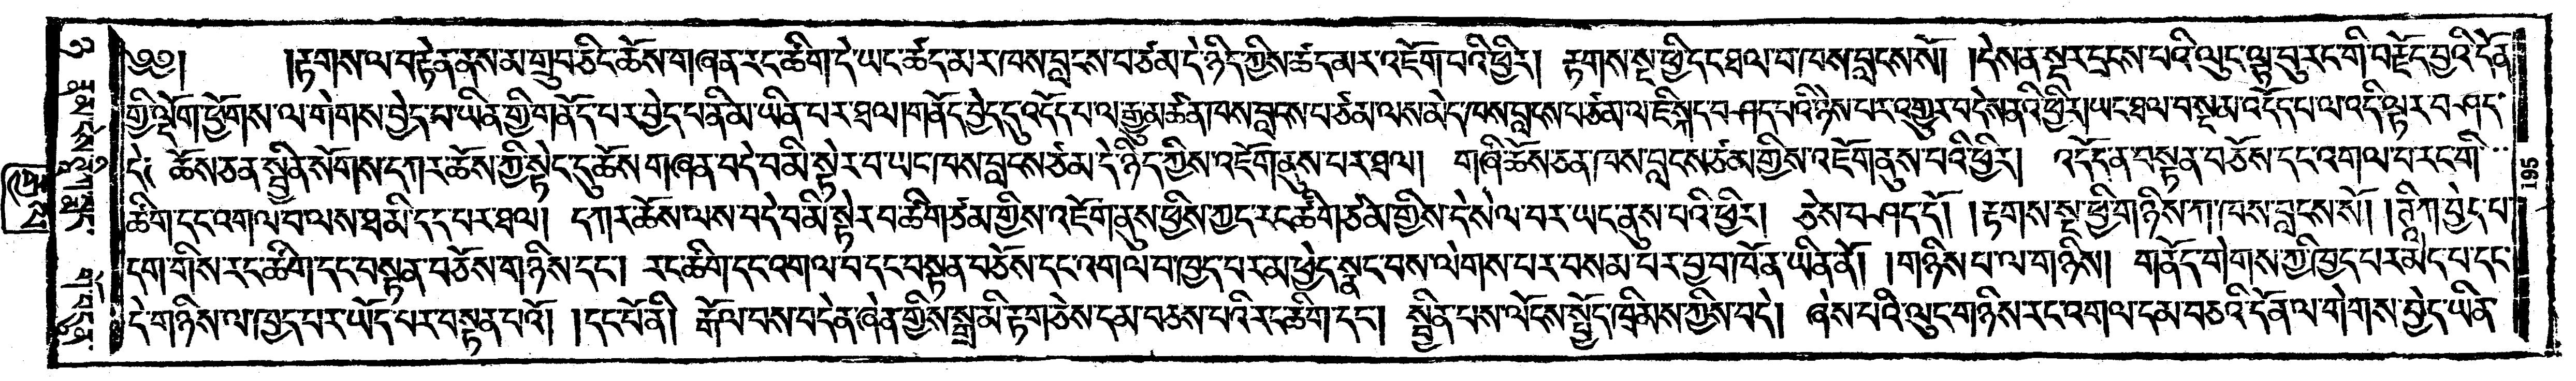༄༅། །རྟགས་ལ་བརྟེན་ནས་མ་གྲུབ་ཅིང་ཆོས་གཞན་རང་ཚིག་དེ་ཡང་ཚད་མར་ཁས་བླངས་པ་ཙམ་དེ་ཉིད་ཀྱིས་ཚད་མར་འཇོག་པའི་ཕྱིར། རྟགས་སྔ་ཕྱི་དང་ཐལ་བ་ཁས་བླངས་སོ། །དེ་ནས་སྔར་དྲངས་པའི་ལུང་ལྟ་བུ་རང་གི་བརྗོད་བྱའི་དོན་
གྱི་ལྡོག་ཕྱོགས་ལ་གེགས་བྱེད་པ་ཡིན་གྱི་གནོད་པར་བྱེད་པ་ནི་མ་ཡིན་པར་ཐལ། གནོད་བྱེད་དུ་འདོད་པ་ལ་རྒྱུ་མཚན་ཁས་བླངས་པ་ཙམ་ལས་མེད་ཁས་བླངས་པ་ཙམ་ལ་ཇི་སྐད་བཤད་པའི་ཉེས་པར་འགྱུར་བ་དེས་ནའི་ཕྱིར། ཡང་ཐལ་བསྔ་མ་འདོད་པ་ལ་འདི་ལྟར་བཤད་
དེ༑ ཆོས་ཅན་སྦྱིན་སོགས་དཀར་ཆོས་ཀྱི་སྟེང་དུ་ཆོས་གཞན་བདེ་བ་མི་སྟེར་བ་ཡང་ཁས་བླངས་ཙམ་དེ་ཉིད་ཀྱིས་འཇོག་ནུས་པར་ཐལ། གཞི་ཆོས་ཅན་ཁས་བླངས་ཙམ་གྱིས་འཇོག་ནུས་པའི་ཕྱིར། འདོད་ན་བསྟན་བཅོས་དང་འགལ་བ་རང་གི་
ཚིག་དང་འགལ་བ་ལས་ཐ་མི་དད་པར་ཐལ། དཀར་ཆོས་ལས་བདེ་བ་མི་སྟེར་བ་ཚིག་ཙམ་གྱིས་འཇོག་ནུས་ཕྱིས་ཀྱང་རང་ཚིག་ཙམ་གྱིས་དེ་སེལ་བར་ཡང་ནུས་པའི་ཕྱིར། ཅེས་བཤད་དོ། །རྟགས་སྔ་ཕྱི་གཉིས་ཀ་ཁས་བླངས་སོ། །ཊཱིཀ་བྱེད་པ་
དག་གིས་རང་ཚིག་དང་བསྟན་བཅོས་གཉིས་དང་། རང་ཚིག་དང་འགལ་བ་དང་བསྟན་བཅོས་དང་འགལ་བ་ཁྱད་པར་མ་ཕྱེད་སྣང་བས་ལེགས་པར་བསམ་པར་བྱ་བ་ཁོ་ན་ཡིན་ནོ། །གཉིས་པ་ལ་གཉིས། གནོད་གེགས་ཀྱི་ཁྱད་པར་མེད་པ་དང་
དེ་གཉིས་ལ་ཁྱད་པར་ཡོད་པར་བསྟན་པའོ། །དང་པོ་ནི། རྒོལ་བས་བདེན་ཞེན་གྱིས་སྒྲ་མི་རྟག་ཅེས་དམ་བཅས་པའི་རང་ཆིག་དང་། སྦྱིན་པས་ལོངས་སྤྱོད་ཁྲིམས་ཀྱིས་བདེ། ཞེས་པའི་ལུང་གཉིས་རང་འགལ་དམ་བཅའི་དོན་ལ་གེགས་བྱེད་ཡིན་